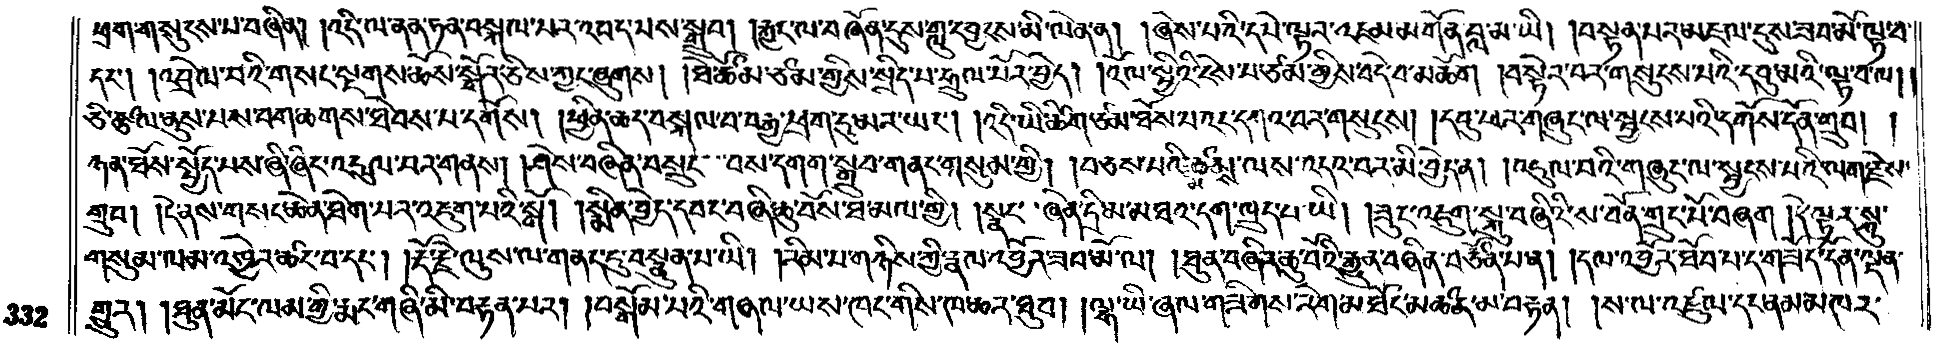ཕྲག་གསུངས་པ་བཞིན། །འདི་ལ་ནན་ཏན་བསྐལ་པར་འབད་པས་སྒྲུབ། །རྐྱང་ལ་བཞོན་དུས་གླུ་དབྱངས་མི་ལེན་ན། །ཞེས་པའི་དཔེ་ལྟར་འཇམ་མགོན་བླ་མ་ཡི། །བསྟན་པར་མཇལ་དུས་ཟབ་མོ་ལྟ་བ་
དང་། །འབྲེལ་བའི་གསང་སྔགས་ཆོས་སྒོར་ཅིས་ཀྱང་ཞུགས། །ཐེ་ཚོམ་ཙམ་གྱིས་སྲིད་པ་ཧྲུལ་པོར་བྱེད། །འོལ་སྤྱིའི་ངེས་པ་ཙམ་གྱིས་བདེ་བ་མཆོག །བསྟེར་བར་གསུངས་པའི་དབུ་མའི་ལྟ་བ་ལ། །
ཅི་རྩལ་ནུས་པས་བག་ཆགས་ཐེབས་པ་དགོས། །ཕྱིན་ཆད་བསྐལ་བ་བརྒྱ་ཕྲག་དུ་མར་ཡང་། །འདི་ཡི་ཚིག་ཙམ་ཐོས་པའང་དཀའ་བར་གསུངས། །དབུ་ཕར་གཞུང་ལ་སྦྱངས་པའི་དགོས་དོན་གྲུབ། །
ཉན་ཐོས་སྤྱོད་པས་ཞི་ཞིང་འདུལ་བར་གནས། །ཤེས་བཞིན་བསྲུང་བས་དགག་སྒྲུབ་གནང་གསུམ་གྱི། །བཅས་པའི་མཚམས་ལས་འདའ་བར་མི་བྱེད་ན། །འདུལ་བའི་གཞུང་ལ་སྦྱངས་པའི་ལག་རྗེས་
གྲུབ། །དེ་ནས་གསང་ཆེན་ཐེག་པར་འཇུག་པའི་སྒོ། །སྨིན་བྱེད་དབང་བཞི་ཆུ་བོས་ཐ་མལ་གྱི། །སྣང་ཞེན་དྲི་མ་མཐའ་དག་ཁྲུད་པ་ཡི། །ཟུང་འཇུག་སྐུ་བཞིའི་ས་བོན་གྲུང་པོ་བཞག །དེ་ལྟར་སྐུ་
གསུམ་ལམ་འཁྱེར་ཚང་བ་དང་། །རྡོ་རྗེ་ལུས་ལ་གནད་དུ་བསྣུན་པ་ཡི། །རིམ་པ་གཉིས་ཀྱི་རྣལ་འབྱོར་ཟབ་མོ་ལ། །ཐུན་བཞིར་ཆུ་བོའི་རྒྱུན་བཞིན་བརྩོན་པ་ན། །དལ་འབྱོར་ཐོབ་པ་ད་གཟོད་དོན་ལྡན་
གྱུར། །ཐུན་མོང་ལམ་གྱི་རྨང་གཞི་མི་བརྟན་པར། །བསྒོམ་པའི་གཞལ་ཡས་ཁང་གིས་ཁ་ཆར་ཐུབ། །ལྷ་ཡི་ཞལ་གཟིགས་རེག་མཐོང་མཚན་མ་བརྟན། །ས་ལ་འཛུལ་དང་ནམ་མཁར་